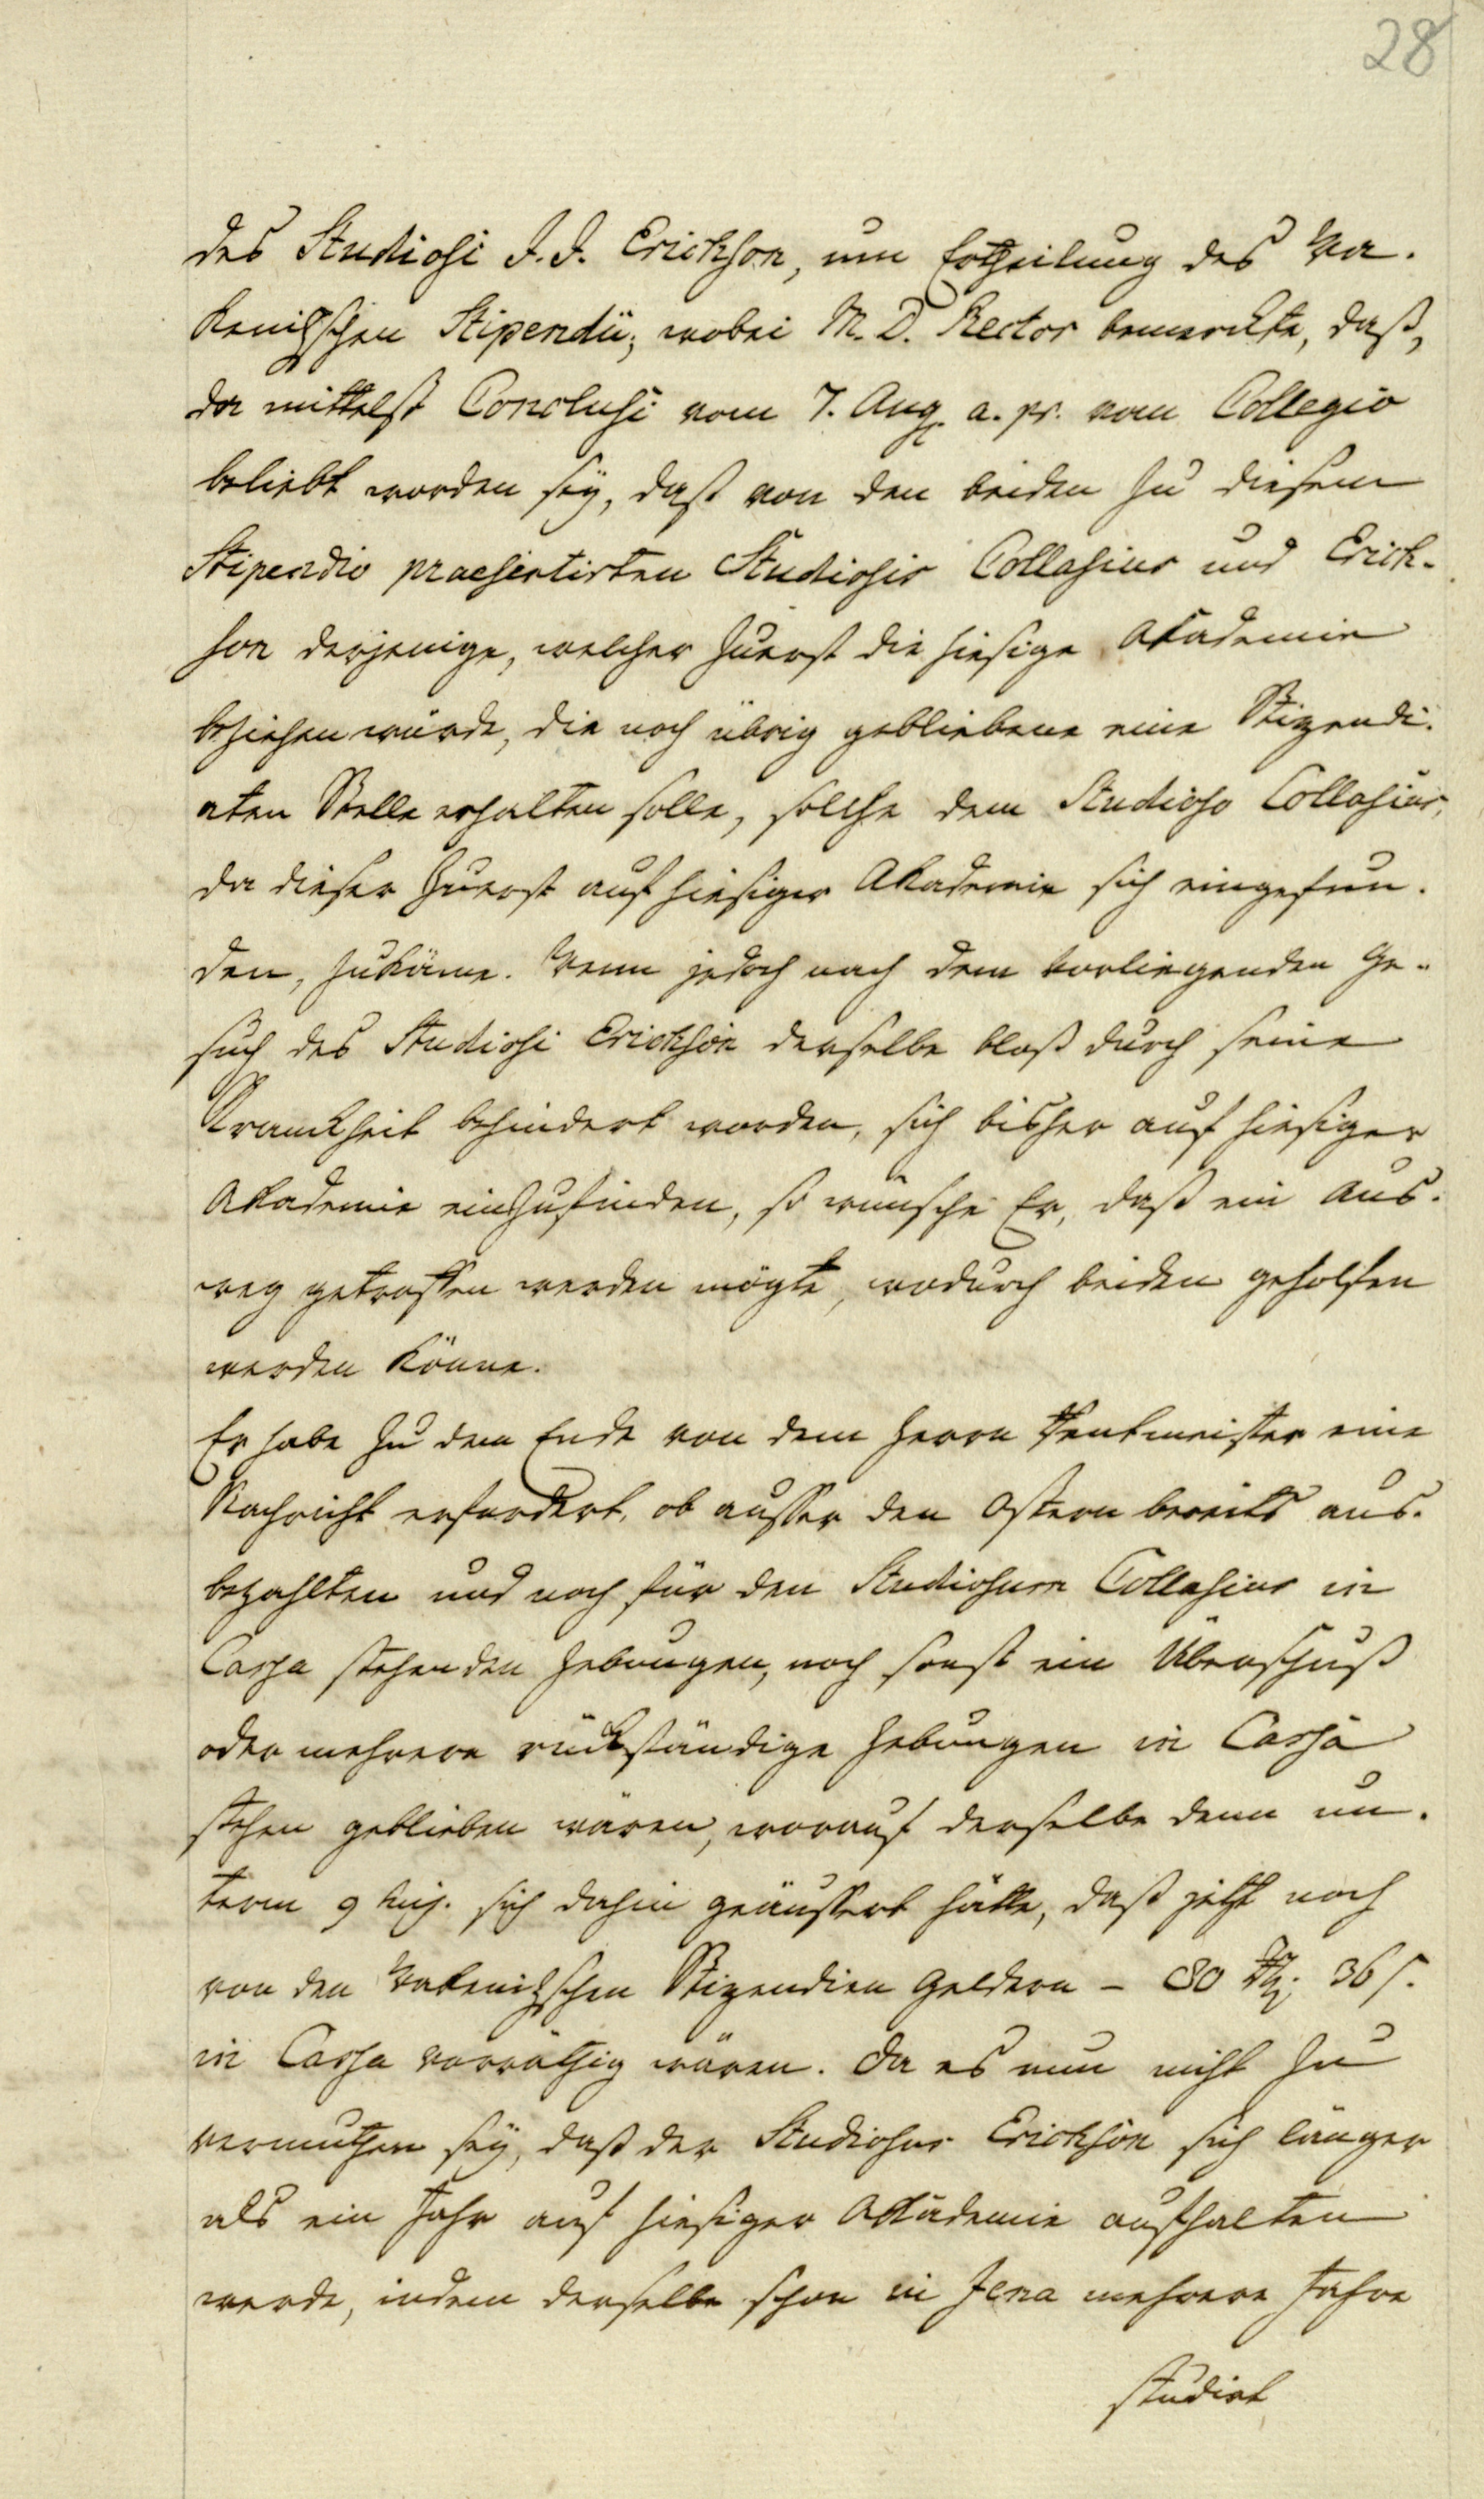des Studiosi J. J. Erichson, um Ertheilung des Wa¬
kenizschen Stipendii, wobei M. D. Rector bemerckte, daß
da mittelst Conclusi vom 7. Aug. a. p. vom Collegio
beliebt worden seÿ, daß von den beiden zu diesem
Stipendio praesentirten Studiosis Collasius und Erich¬
son derjenige, welcher zuerst die hiesige Akademie
beziehen würde, die noch übrig gebliebene eine Stipendi¬
aten Stelle erhalten solle, solche dem Studioso Collasius,
da dieser zuerst auf hiesiger Akademie sich eingefun¬
den, zukäme. Wenn jedoch nach dem vorliegenden Ge¬
such des Studiosi Erichson derselbe bloß durch seine
Kranckheit behindert worden, sich bisher auf hiesiger
Akademie einzufinden, so wünsche Er, daß ein Aus¬
weg getroffen werden mögte, wodurch beiden geholfen
werden könne.
Er habe zu dem Ende von dem Herrn Rentmeister eine
Nachricht erfordert, ob ausser den Ostern bereits aus¬
bezahlten und noch für den Studiosum Collasius in
Cassa stehenden Hebungen, noch sonst ein Überschuß
oder mehrere rückständige Hebungen in Cassa
stehen geblieben wären, worauf derselbe denn un¬
term 9. huj. sich dahin geäussert hätte, daß jetzt noch
von den Wakenizschen Stipendien Geldern 80 Rt. 36 s.
in Cassa vorräthig wären. Da es nun nicht zu
vermuthen seÿ, daß der Studiosus Erichson sich länger
als ein Jahr auf hiesiger Akademie aufhalten
werde, indem derselbe schon in Jena mehrere Jahre
studirt